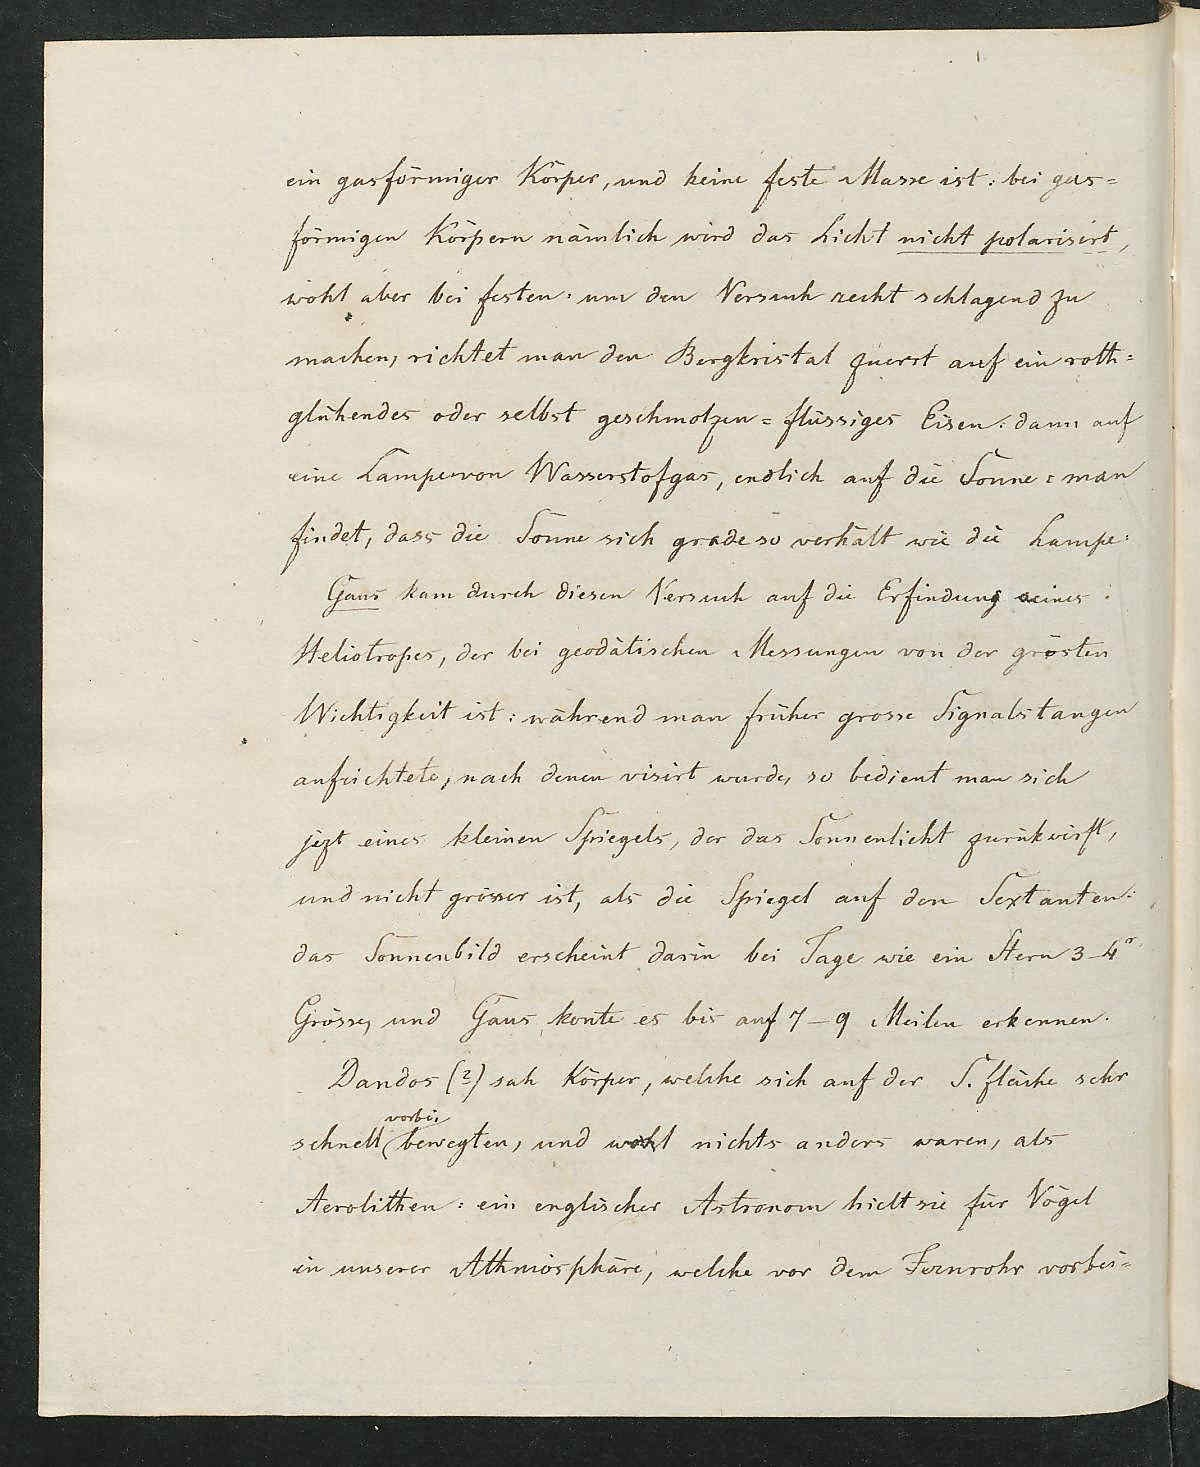ein gasförmiger Körper, und keine feste Masse ist: bei gas-
förmigen Körpern nämlich wird das Licht nicht polarisirt,
wohl aber bei festen: um den Versuch recht schlagend zu
machen, richtet man den Bergkristal zuerst auf ein roth-
glühendes oder selbst geschmolzen-flüssiges Eisen: dann auf
eine Lampe von Wasserstofgas, endlich auf die Sonne: man
findet, dass die Sonne sich grade so verhält wie die Lampe:
Gaus kam durch diesen Versuch auf die Erfindung seines
Heliotropes, der bei geodätischen Messungen von der grösten
Wichtigkeit ist: während man früher grosse Signalstangen
aufrichtete, nach denen visirt wurde, so bedient man sich
jetzt eines kleinen Spiegels, der das Sonnenlicht zurükwirft,
und nicht grösser ist, als die Spiegel auf den Sextanten:
das Sonnenbild erscheint darin bei Tage wie ein Stern 3–4￼
Grösse, und Gaus konnte es bis auf 7–9 Meilen erkennen.
Dandos sah Körper, welche sich auf der S.fläche sehr
schnell vorbei bewegten, und wohl nichts anders waren, als
Aerolithen: ein englischer Astronom hielt sie für Vögel
in unserer Athmosphäre, welche vor dem Fernrohr vorbei-